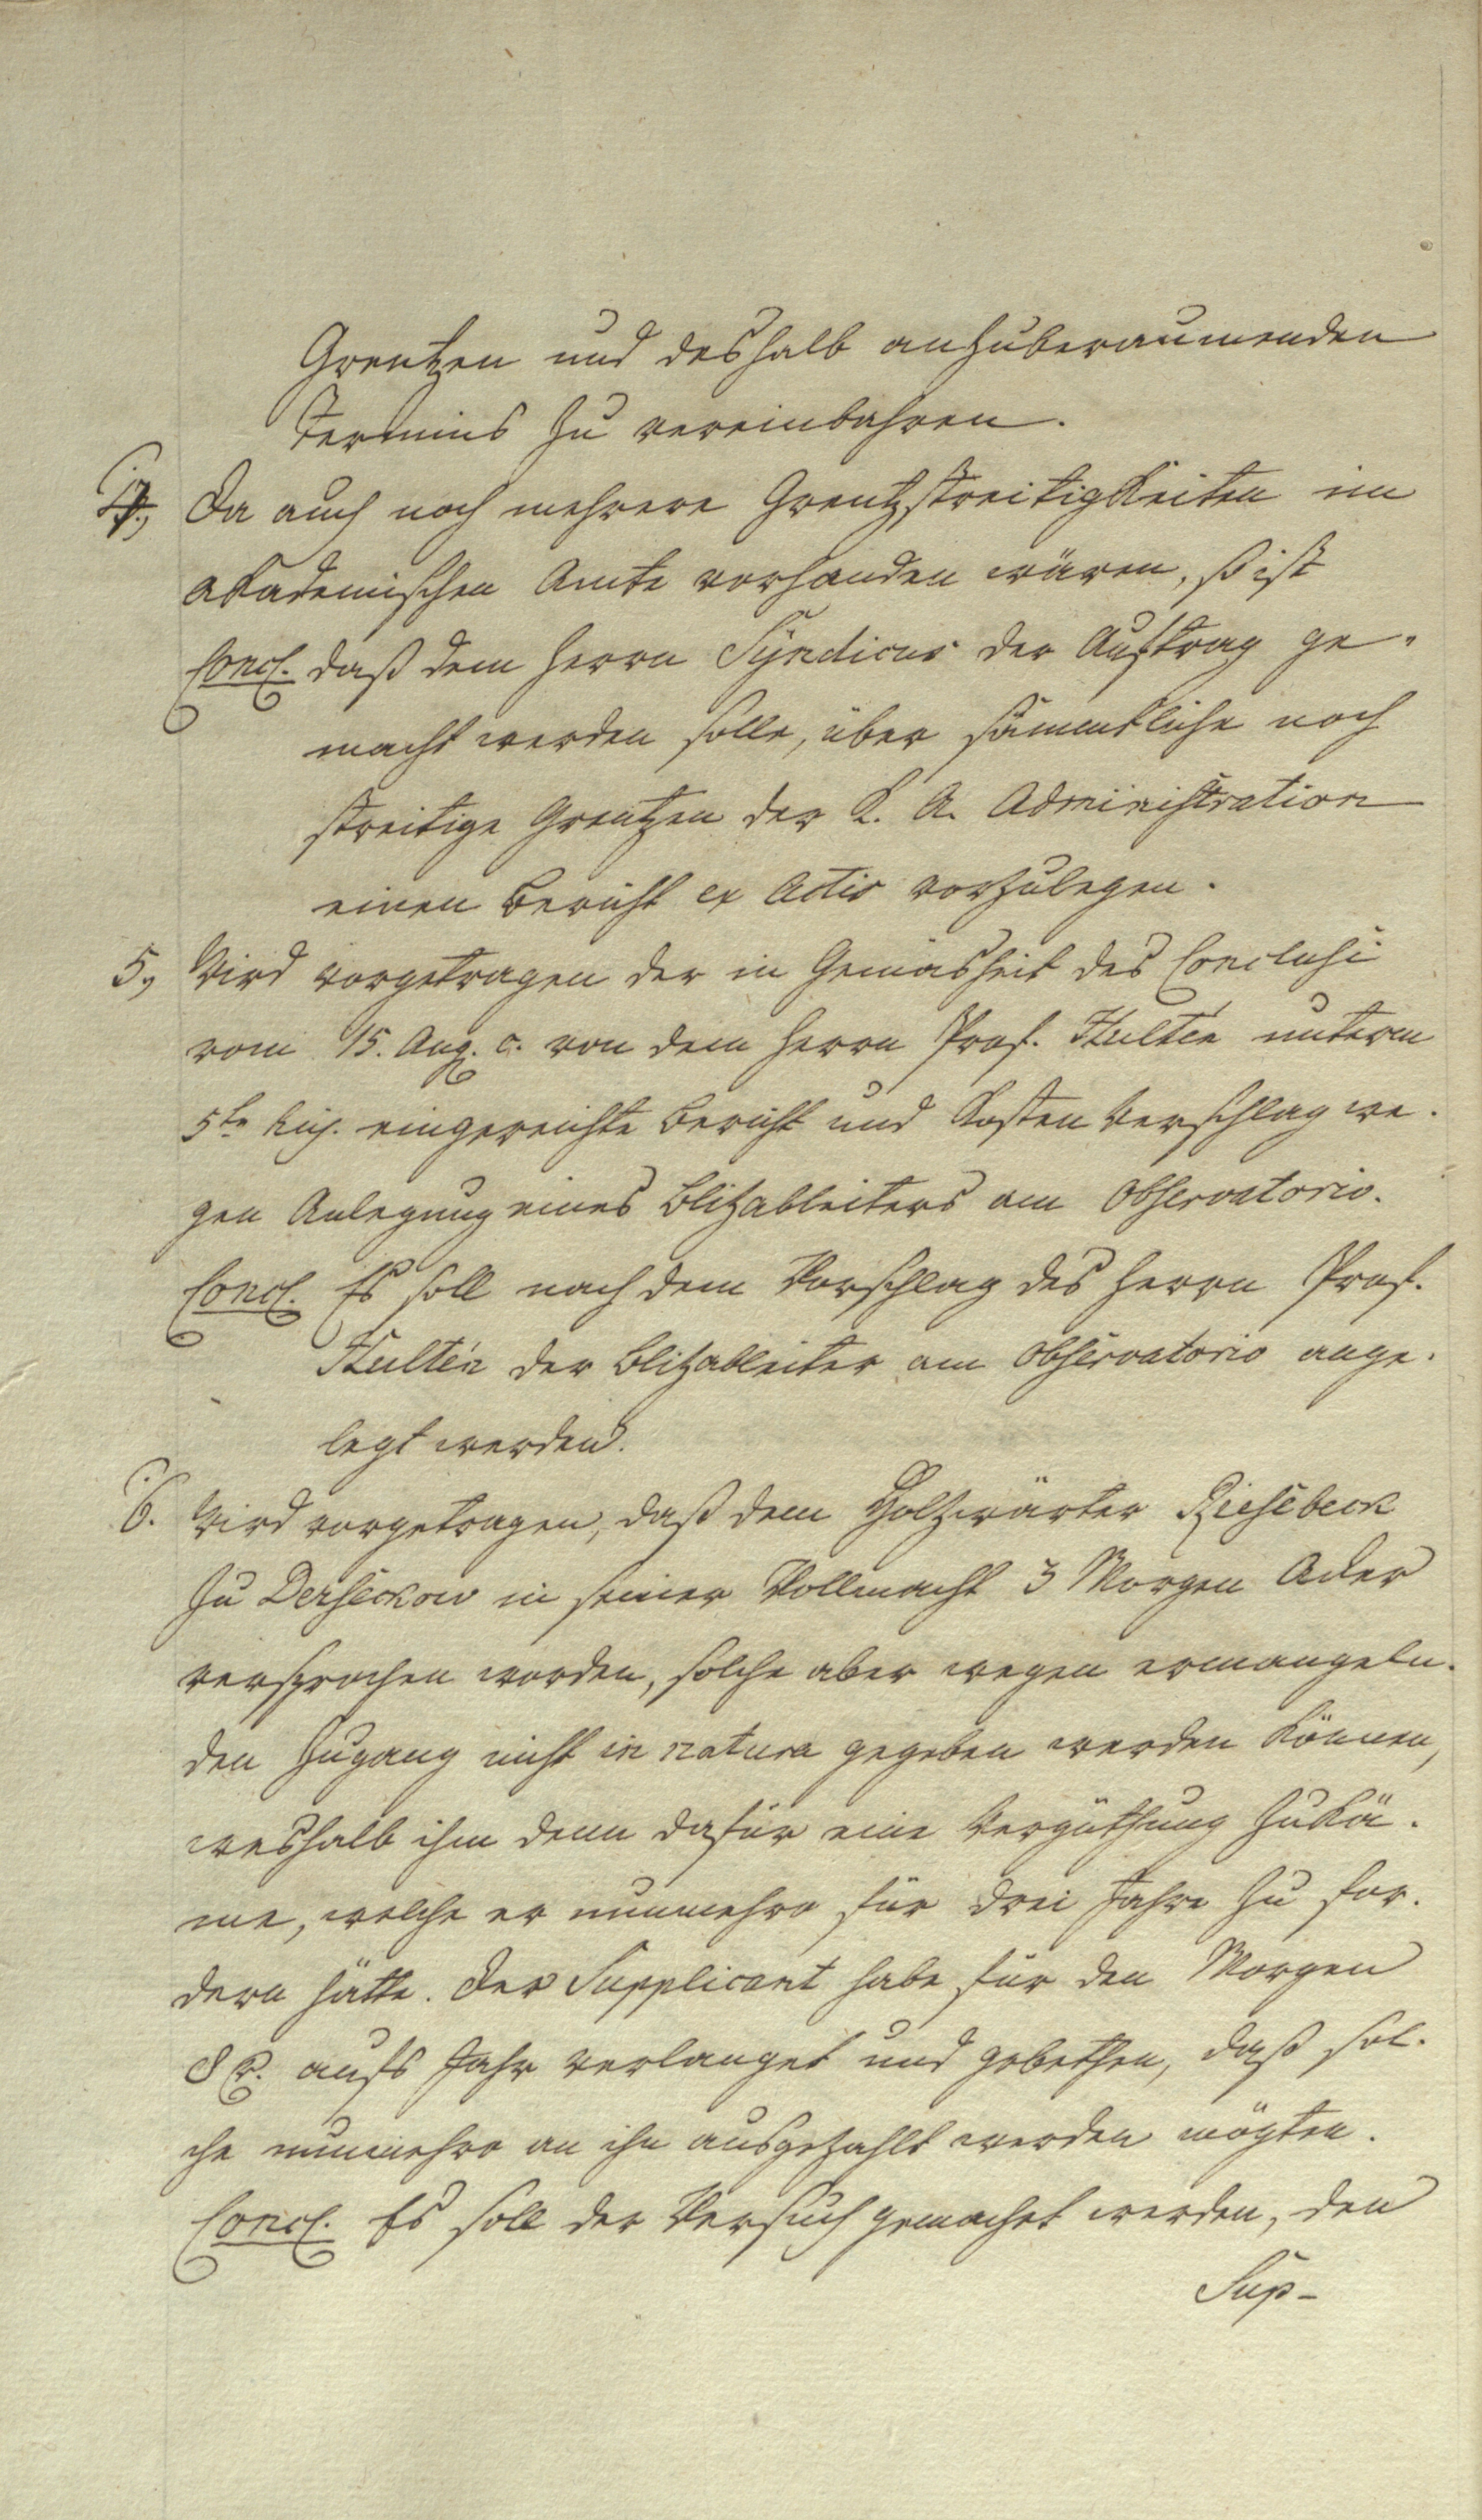Grentzen und deshalb anzuberaumenden
Termins zu vereinbahren.
4., Da auch noch mehrere Grentzstreitigkeiten im
akademischen Amte vorhanden wären, so ist
Concl. daß dem Herrn Sÿndicus der Auftrag ge¬
macht werden solle, über sämmtliche noch
streitige Grentzen der K. A. Administration
einen Bericht ex Actis vorzulegen.
5., Wird vorgetragen der in Gemäsheit des Conclusi
vom 15. Aug. c. von dem Herrn Prof. Hultén unterm
5 te huj. eingereichte Bericht und Kosten Verschlag we¬
gen Anlegung eines Blizableiters am Observatorio.
Concl. Es soll nach dem Vorschlag des Herrn Prof.
Hultén der Blizableiter am observatorio ange¬
legt werden.
6. Wird vorgetragen, daß dem Holzwärter Riesebeck
zu Derseckow in seiner Vollmacht 3 Morgen Acker
versprochen worden, solche aber wegen ermangeln¬
den Zugang nicht in natura gegeben werden können,
weshalb ihm denn dafür eine Vergüthung zukä¬
me, welche er nunmehro für drei Jahre zu for¬
dern hätte. Der Supplicant habe für den Morgen
8 l. aufs Jahr verlanget und gebethen, daß sol¬
che nunmehro an ihn ausgezahlt werden mögten.
Concl. Es soll der Versuch gemachet werden, den
Sup¬